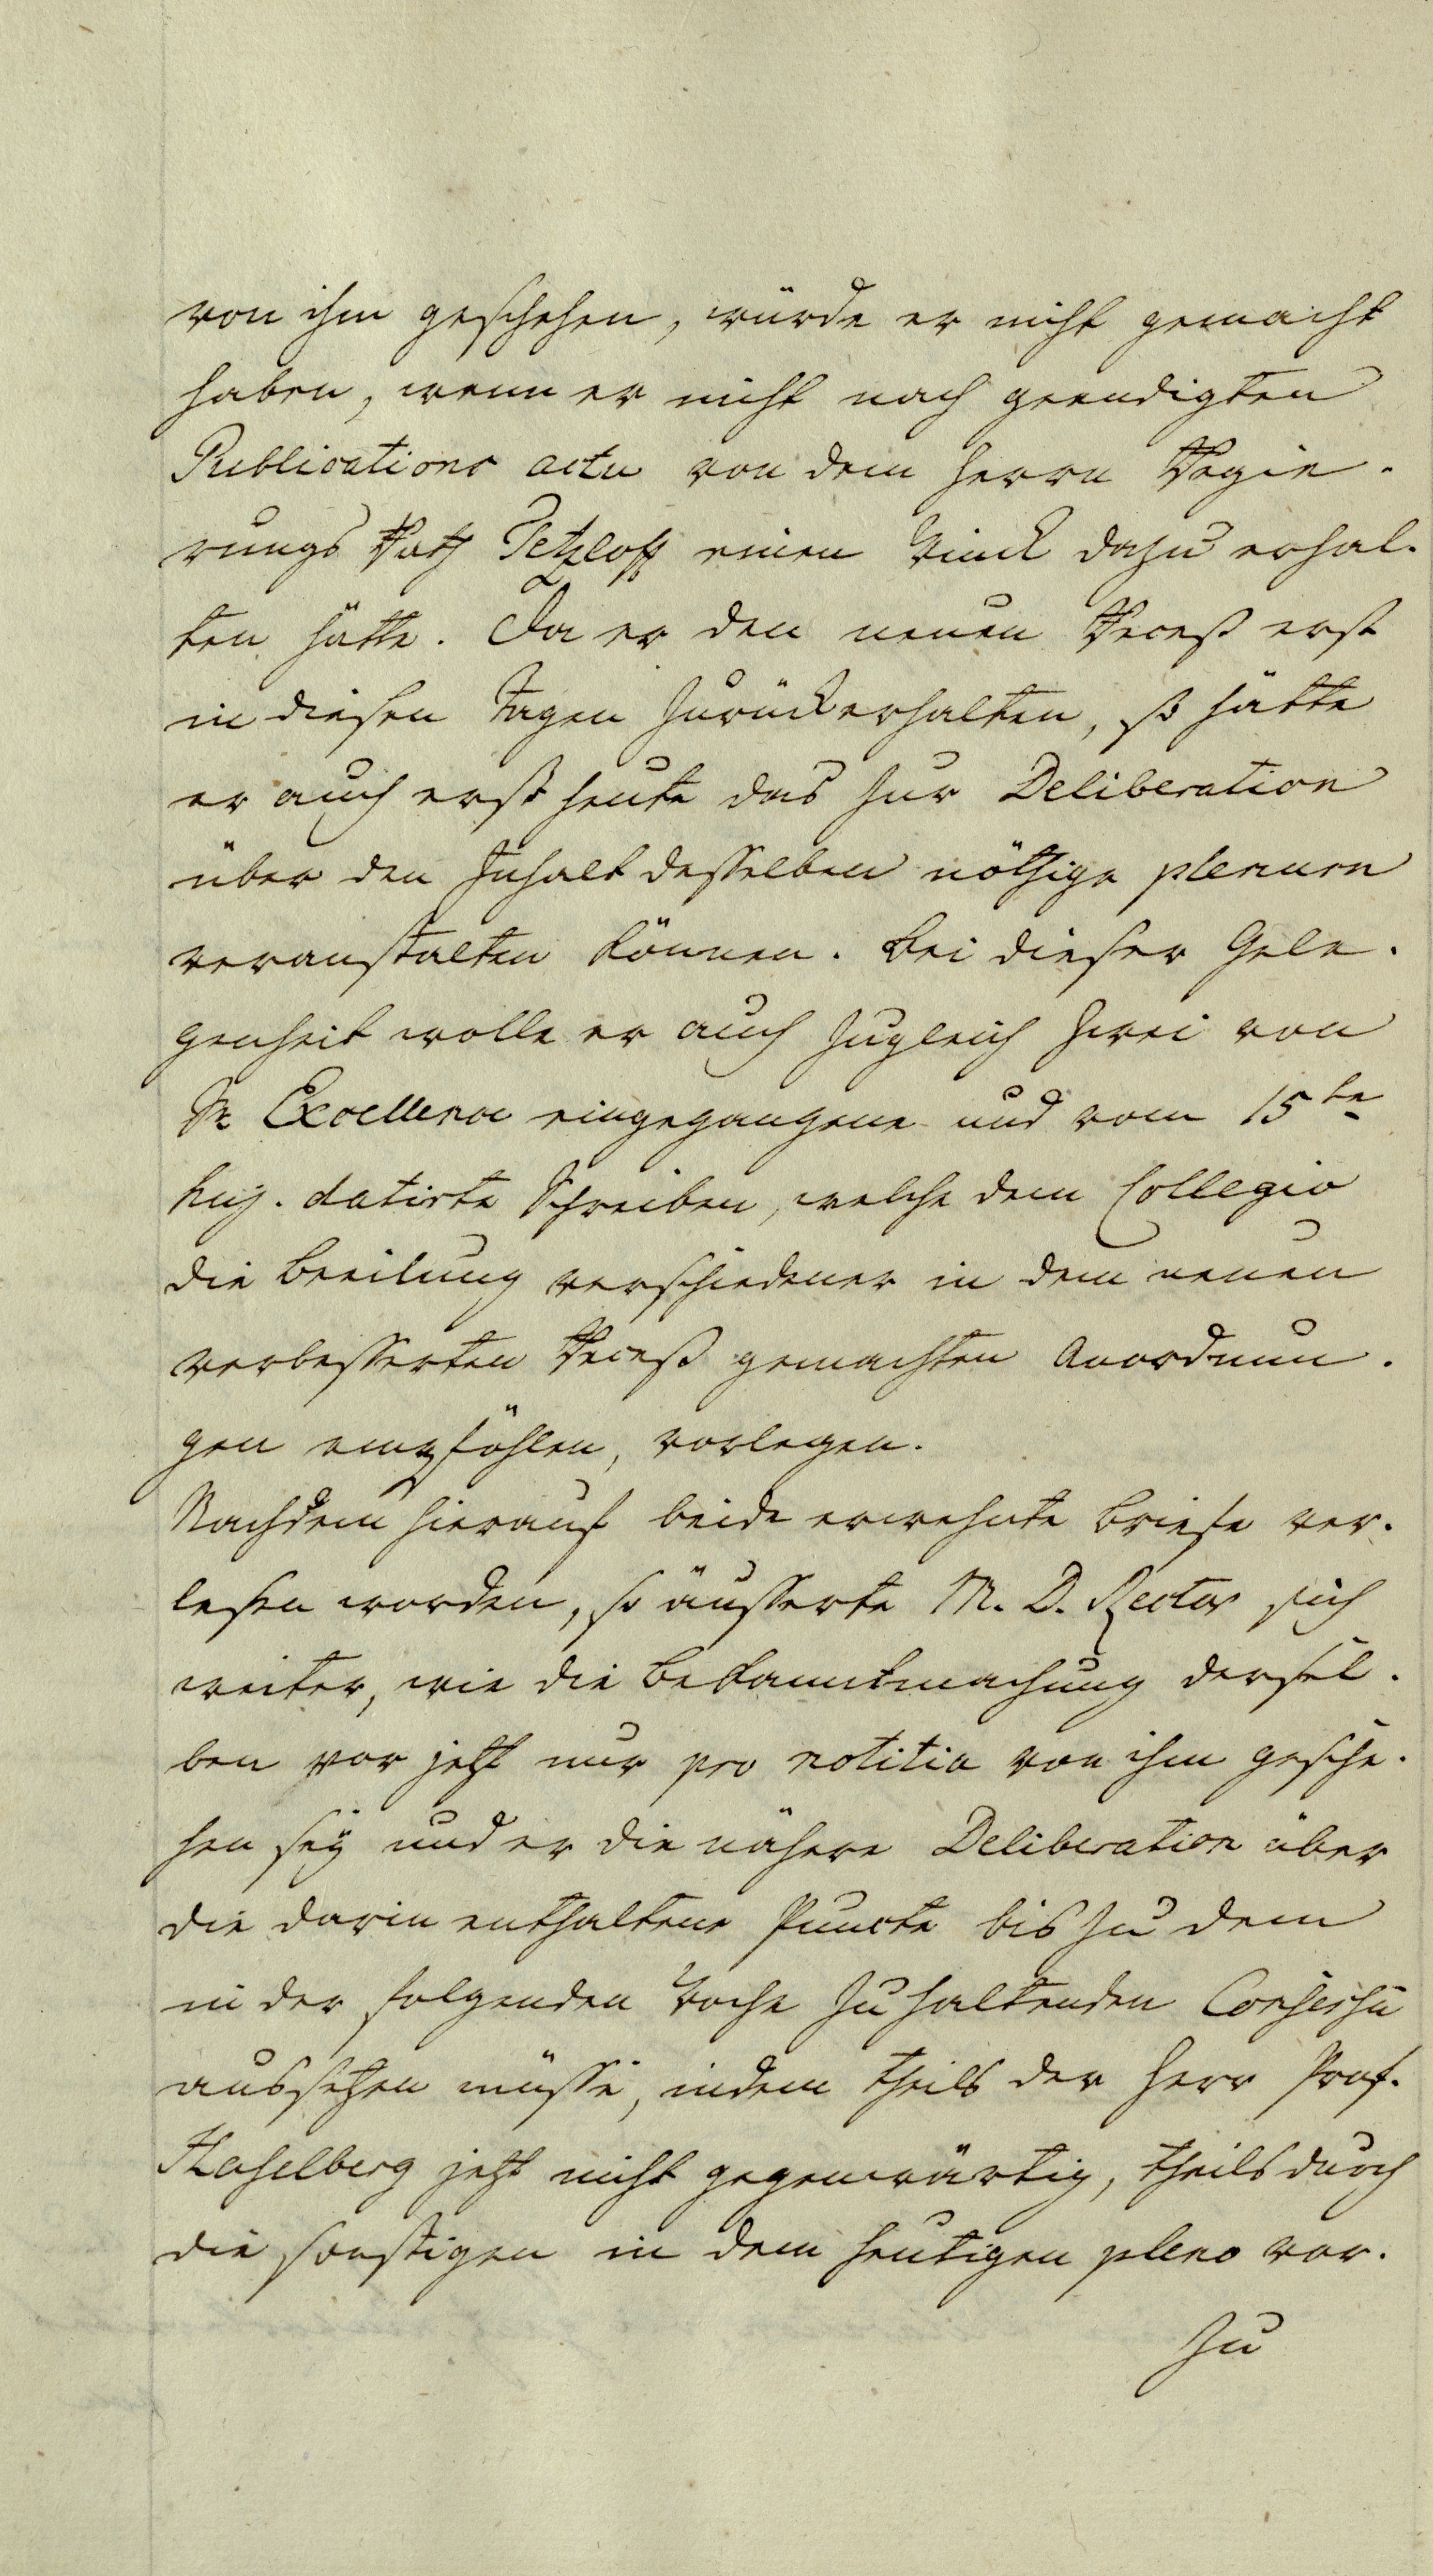von ihm geschehen, würde er nicht gemacht
haben, wenn er nicht nach geendigten
Publications Actu von dem Herrn Regie¬
rungs Rath Tetzloff einen Winck dazu erhal¬
ten hätte. Da er den neuen Receß erst
in diesen Tagen zurückerhalten, so hätte
er auch erst heute das zur Deliberation
über den Inhalt desselben nöthige plenum
veranstalten können. Bei dieser Gele¬
genheit wolle er auch zugleich zwei von
Sr Excellence eingegangene und vom 15 te
huj. datirte Schreiben, welche dem Collegio
die Beeilung verschiedener in dem neuen
verbesserten Receß gemachten Anordnun¬
gen empföhlen, vorlegen.
Nachdem hierauf beide erwehnte Briefe ver¬
lesen worden, so äusserte M. D. Rector sich
weiter, wie die Bekanntmachung dersel¬
ben vor jetzt nur pro notitia von ihm gesche¬
hen seÿ und er die nähere Deliberation über
die darin enthaltene Puncte bis zu dem
in der folgenden Woche zu haltenden Consessu
aussetzen müsse, indem theils der Herr Prof.
Haselberg jetzt nicht gegenwärtig, theils durch
die sonstigen in dem heutigen pleno vor¬
zu